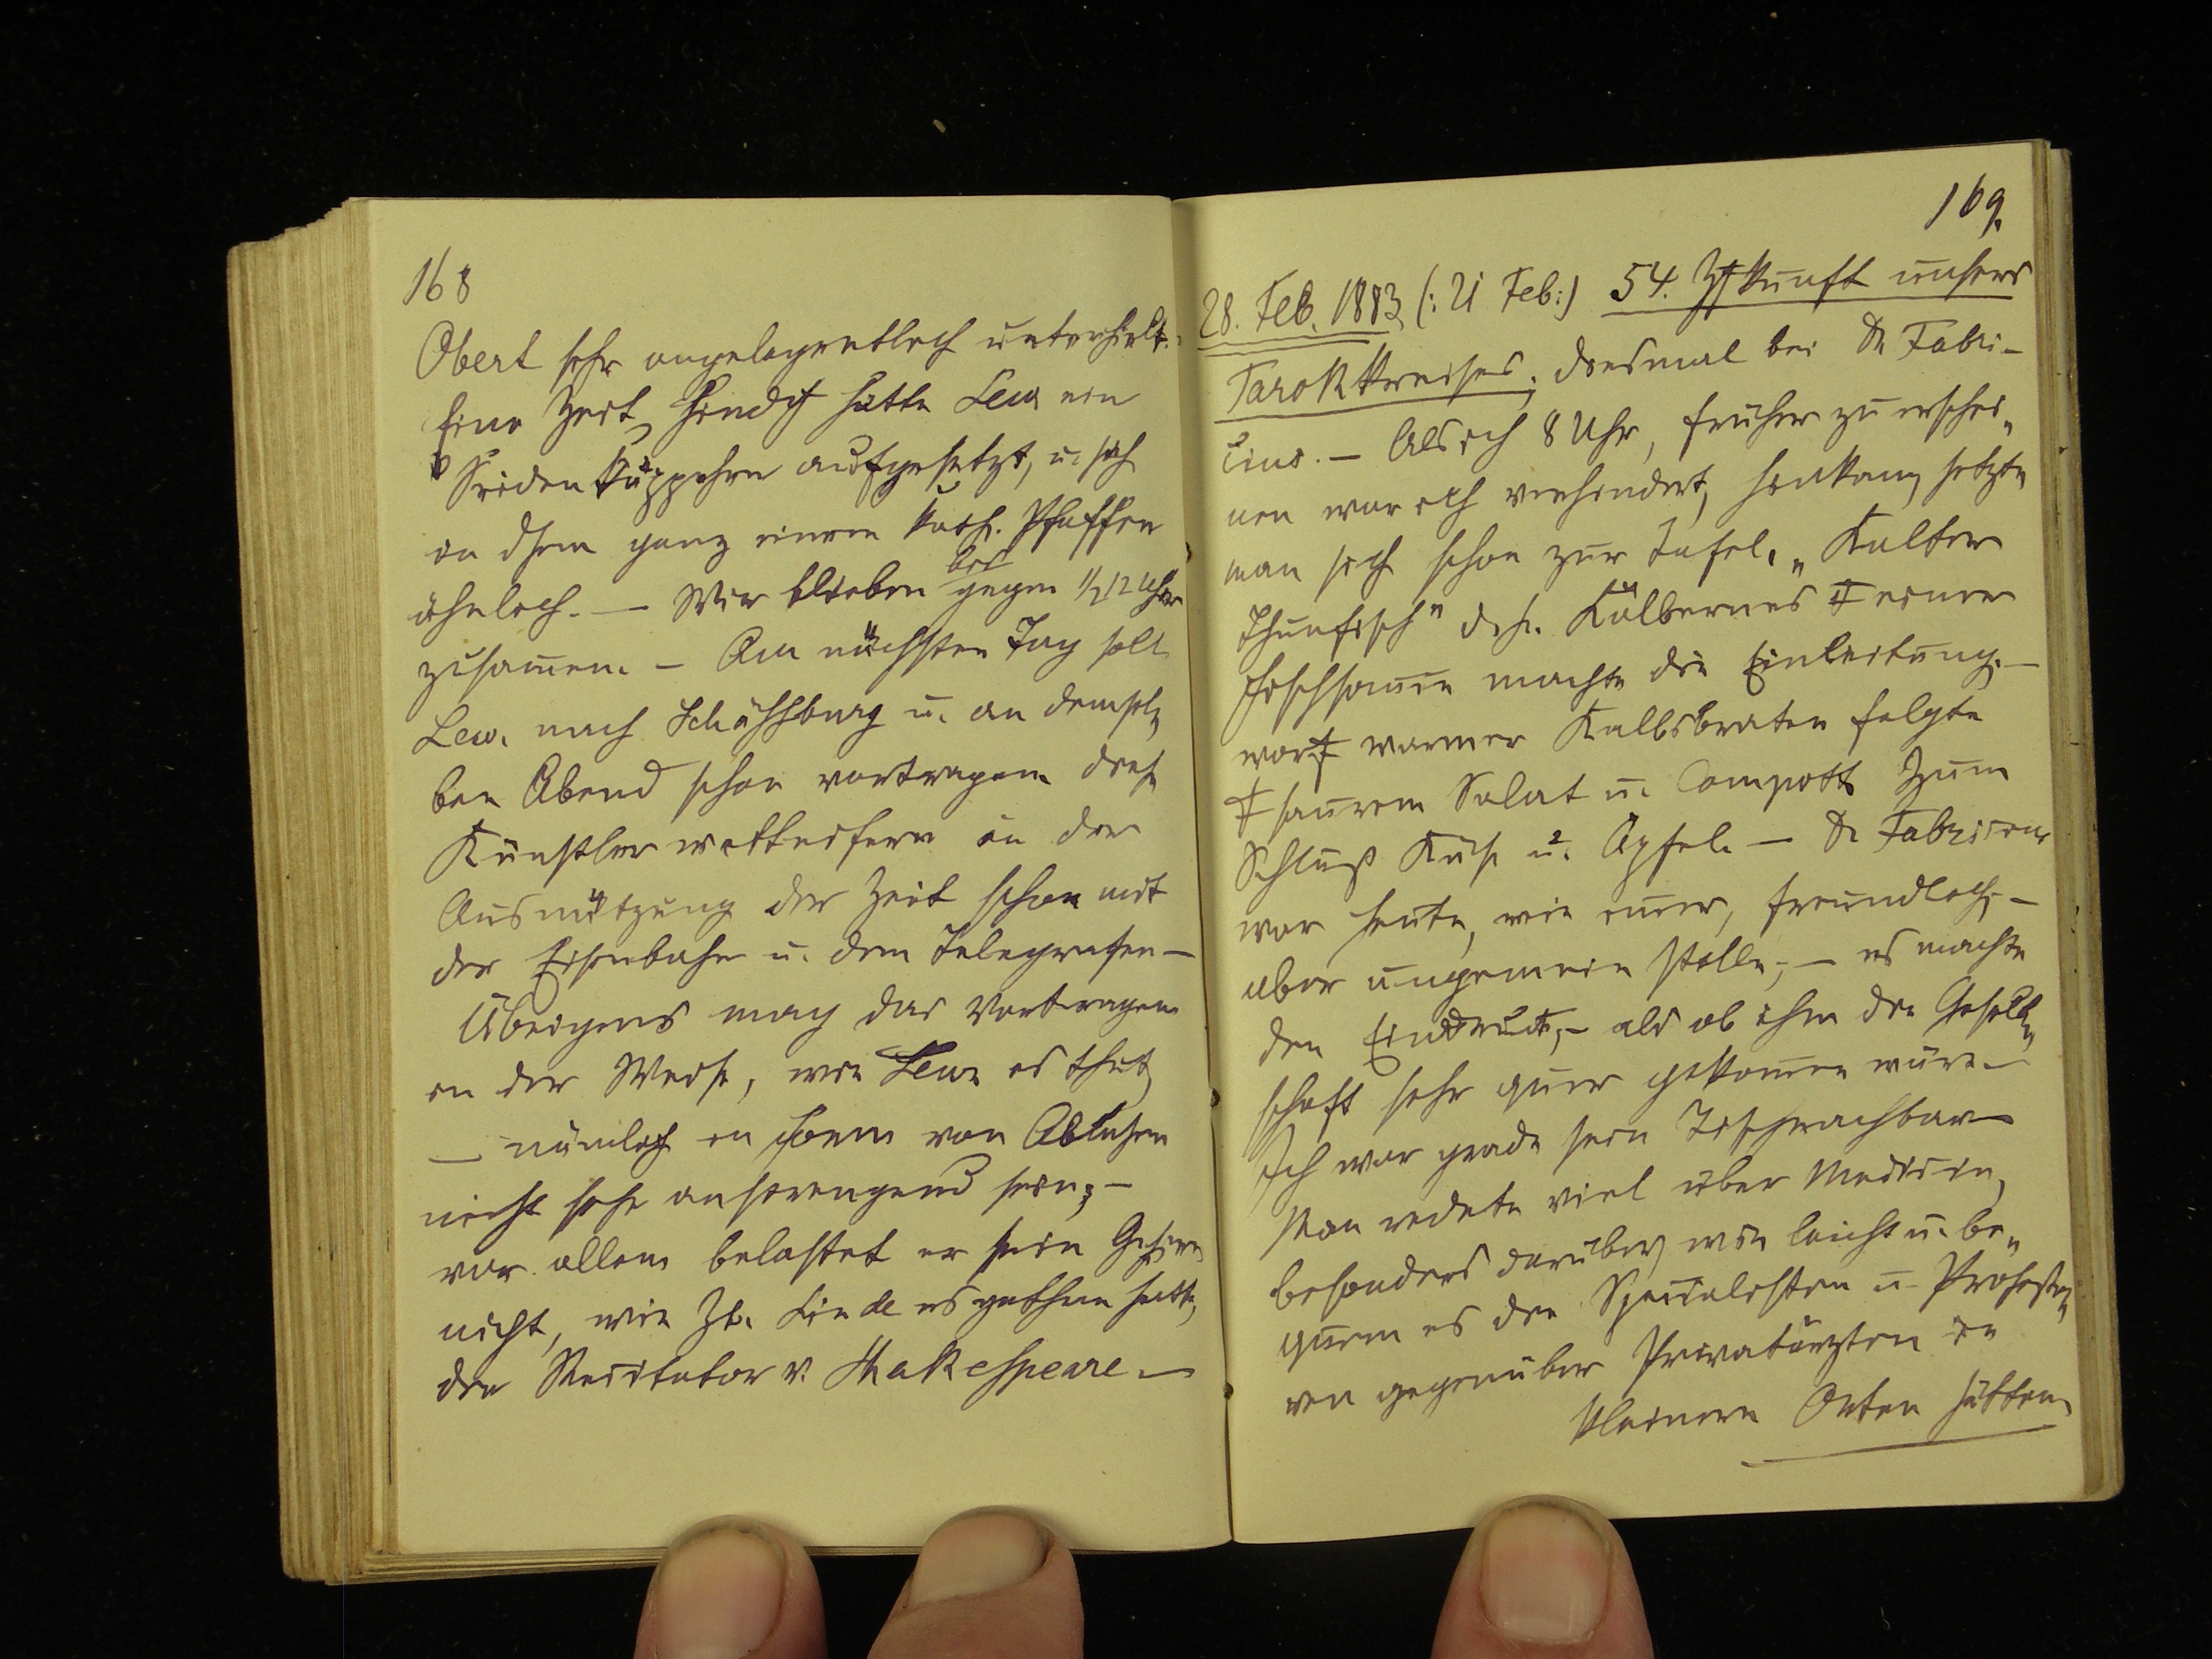168
Obert sehr angelegentlich unterhielt.
Eine Zeit hindurch hätte Lew. ein
Seidenkäppchen aufgesetzt, und sah
in diesem ganz einem kath. Pfaffen
bis
ähnlich.-Wir blieben gegen ½ 2 Uhr
zusammen.—Am nächsten Tag soll
Lew. Nach Schäßburg und an demsel¬
ben Abend schon vortragen. Diese
Künstler wetteifern an der
Ausnützung der Zeit schon mit
der Eisenbahn und dem Telegrafen.—
Übrigens mag das Vortragen
in der Weise , wie Lew es that
- nämlich in Form von Ablesen
nicht sehr anstrengend sein.—
vor allem belastet es sein Gehirn
nicht, wie Zb.. Linde es gethan hatte
der Rezitator von Shakespeare—
169
28. Februar 1883 ( : 21 Febr. : ), 54.Zusammenkunft unseres
Tarokkreises. Diesmal bei Dr. Fabri¬
cius.- Als ich 8 Uhr, früher zu erschei¬
nen war ich verhindert, hinkam setzte
man sich schon zur Tafel. „ kalter
Thunfisch“ dann Kälbernnes mit einem
Fischforum machte die Einleitung.-
warmer Kalbsbraten folgte
mit saurem Salat ind Compott. Zum
Schluß Käse und Äpfel—Dr. Fabricius
war heute wie immer freundlich
aber ungemein still,- es machte
den Eindruck,- als ob ihm die Gesell¬
schaft sehr quer gekommen wäre.-
Ich war gerade sein Tischnachbar-
Man redete viel über Medizin
besonders darüber wie leicht und be¬
quem es den Spezialisten und Professo¬
ren von gegenüber Privatärzten in
kleinen Orten hätten